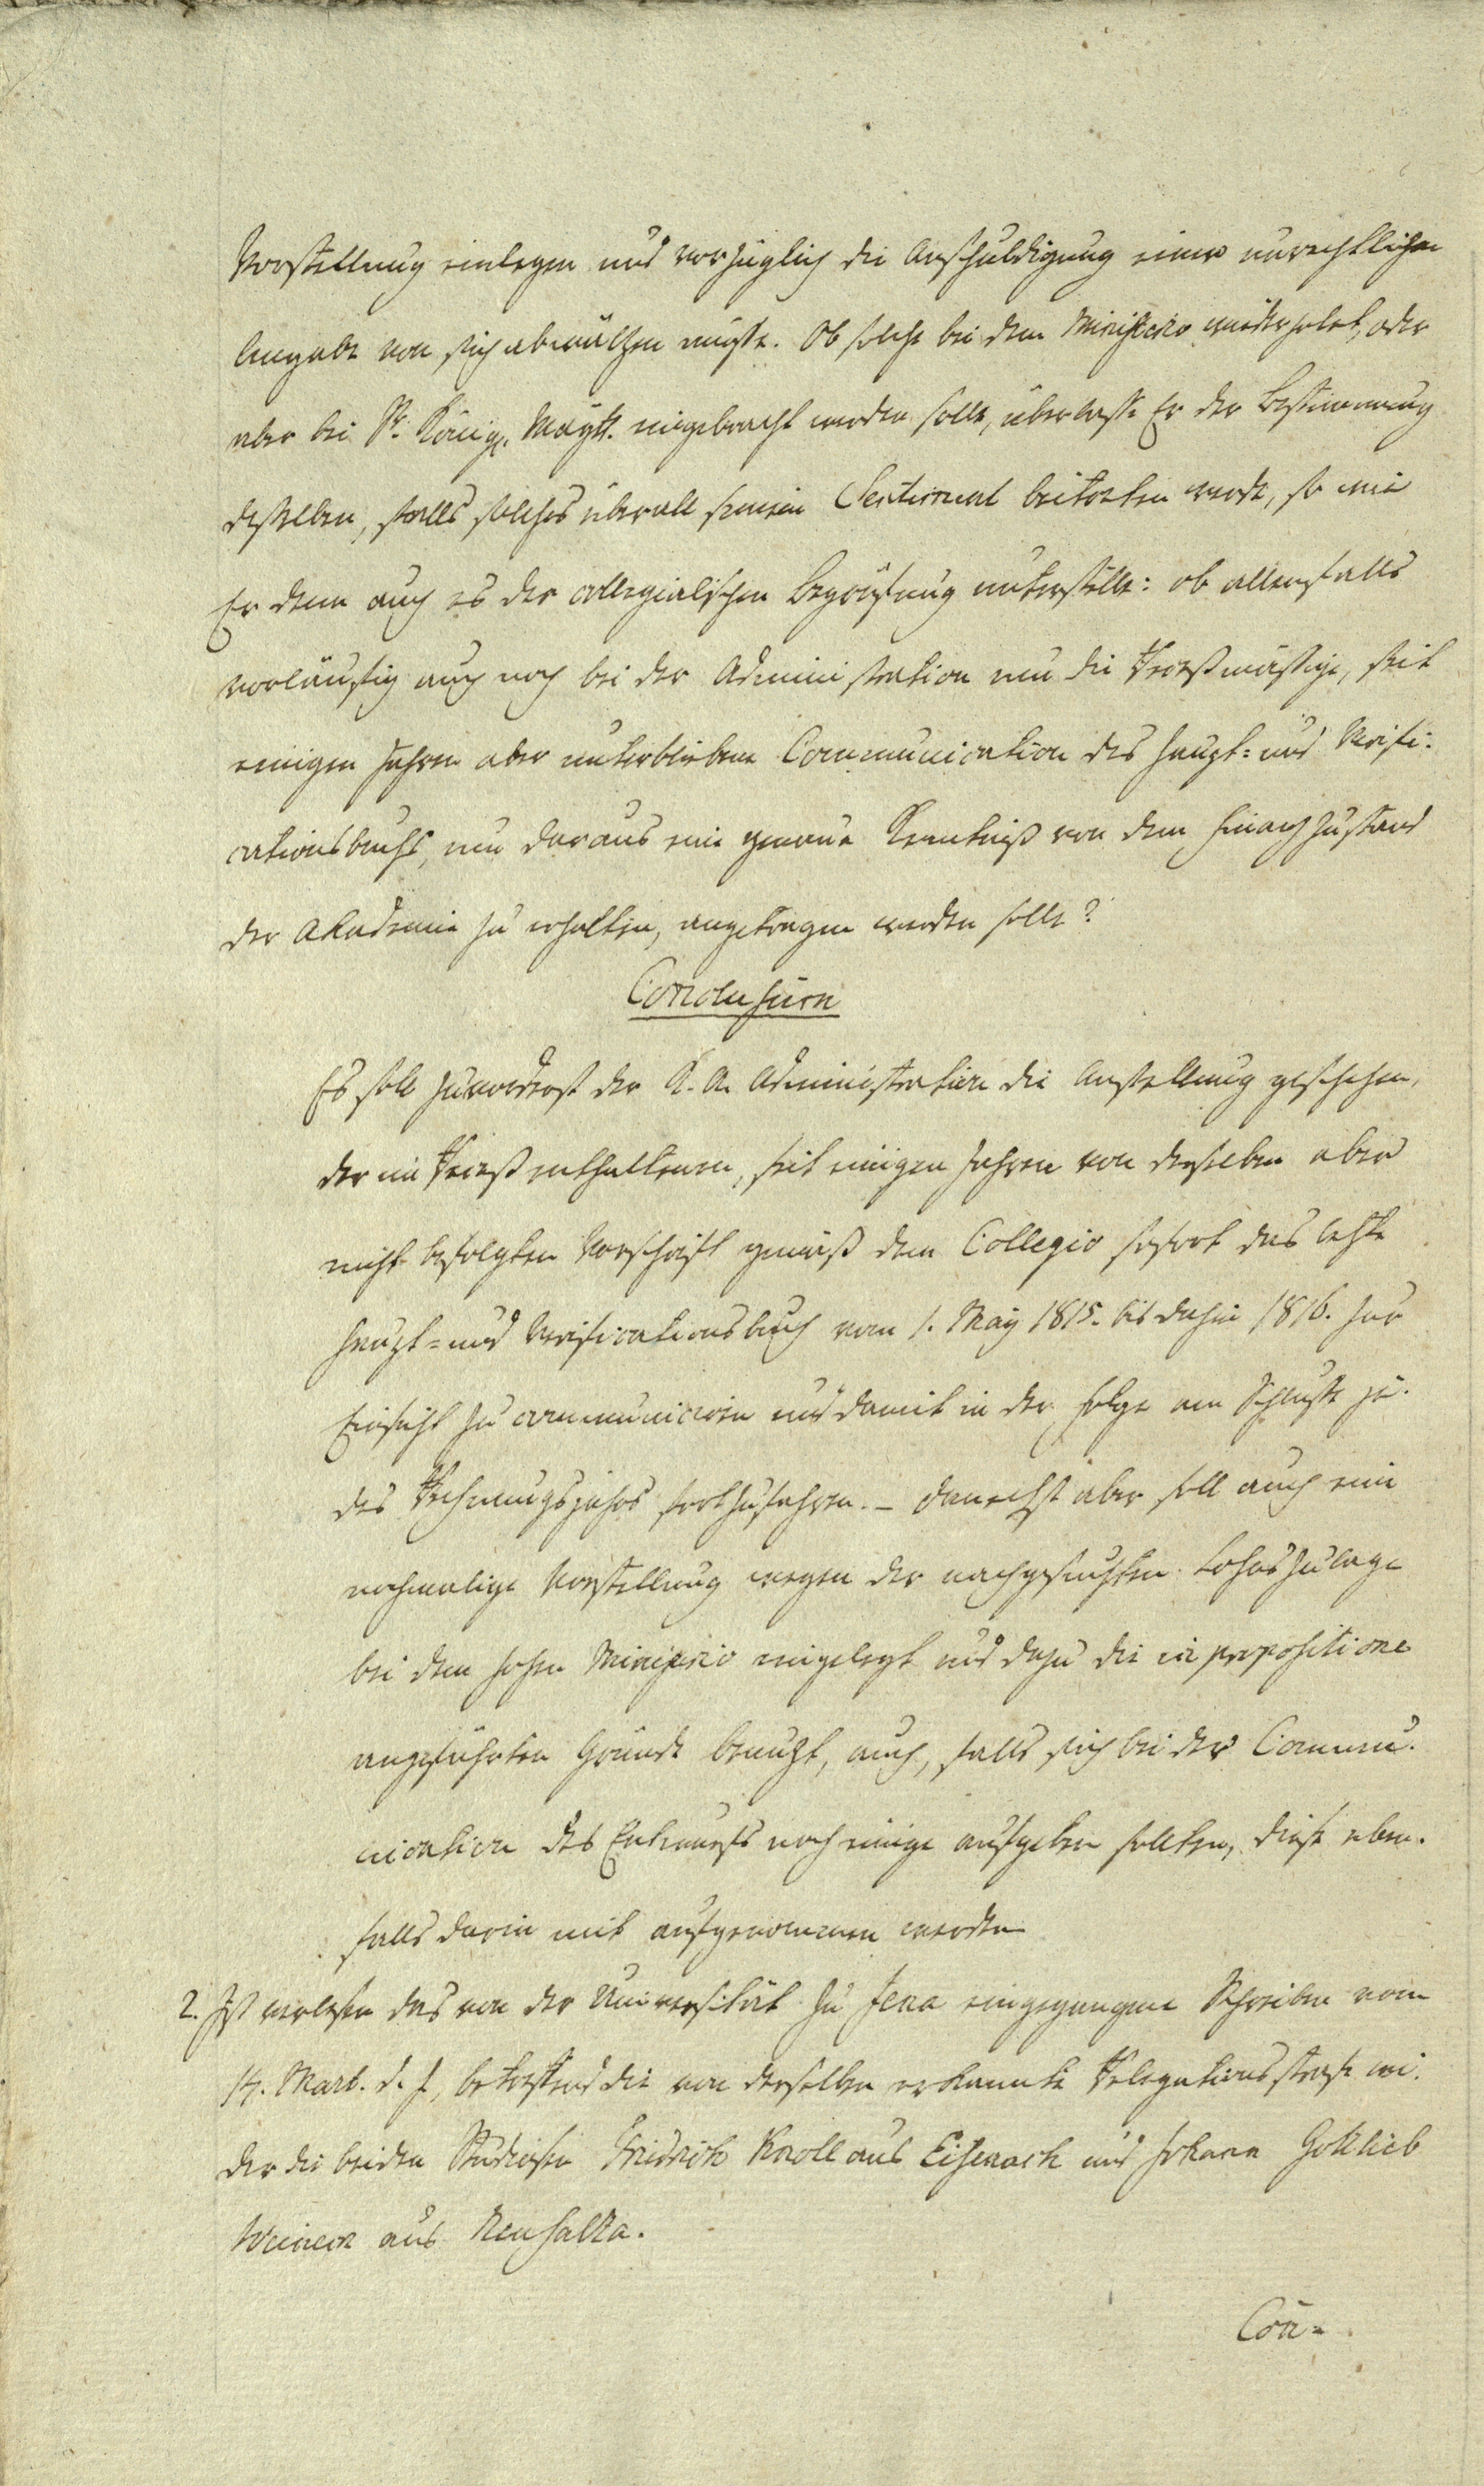Vorstellung einlegen und vorzüglich die Anschuldigung einer unrechtlichen
Angabe von sich abwälzen müsse. Ob solche bei dem Ministerio wiederholet, oder
aber bei Sr. Königl. Maÿtt. eingebracht werden solle, überlasse Er der Bestimmung
desselben, falls solches überall seinem Sentiment beitreten werde, so wie
Er denn auch es der collegialischen Beprüfung unterstelle: ob allenfalls
vorläufig auch noch bei der Administration um die Receßmässige, seit
einigen Jahren aber unterbliebene Communication des Haupt- und Verifi¬
cationsbuchs, um daraus eine genaue Kenntniß von dem Finanzzustand
der Akademie zu erhalten, angetragen werden solle?
Conclusum
Es sol zuvorderst der K. A. Administration die Anstellung geschehen,
der im Receß enthaltenen, seit einigen Jahren von derselben aber
nicht befolgten Vorschrift gemäß dem Collegio sofort das letzte
Haupt- und Verificationsbuch vom 1. Maÿ 1815. bis dahin 1816. zur
Einsicht zu communiciren und damit in der Folge am Schlusse je¬
des Rechnungsjahrs fortzufahren. Danechst aber soll auch eine
nochmalige Vorstellung wegen der nachgesuchten Lohnszulage
bei dem hohen Ministerio eingelegt und dazu die in propositione
angeführten Gründe benuzt, auch, falls sich bei der Commu¬
nication des Entwurfs noch einige aufgeben sollten, diese eben¬
falls darin mit aufgenommen werden.
2. Ist verlesen das von der Universität zu Jena eingegangene Schreiben vom
14. Mart. d. J. betreffend die von derselben erkannte Relegationsstrafe wi¬
der die beiden Studiosen Friedrich Knoll aus Eisenach und Johann Gottlieb
Weineck aus Neusalza.
Con¬